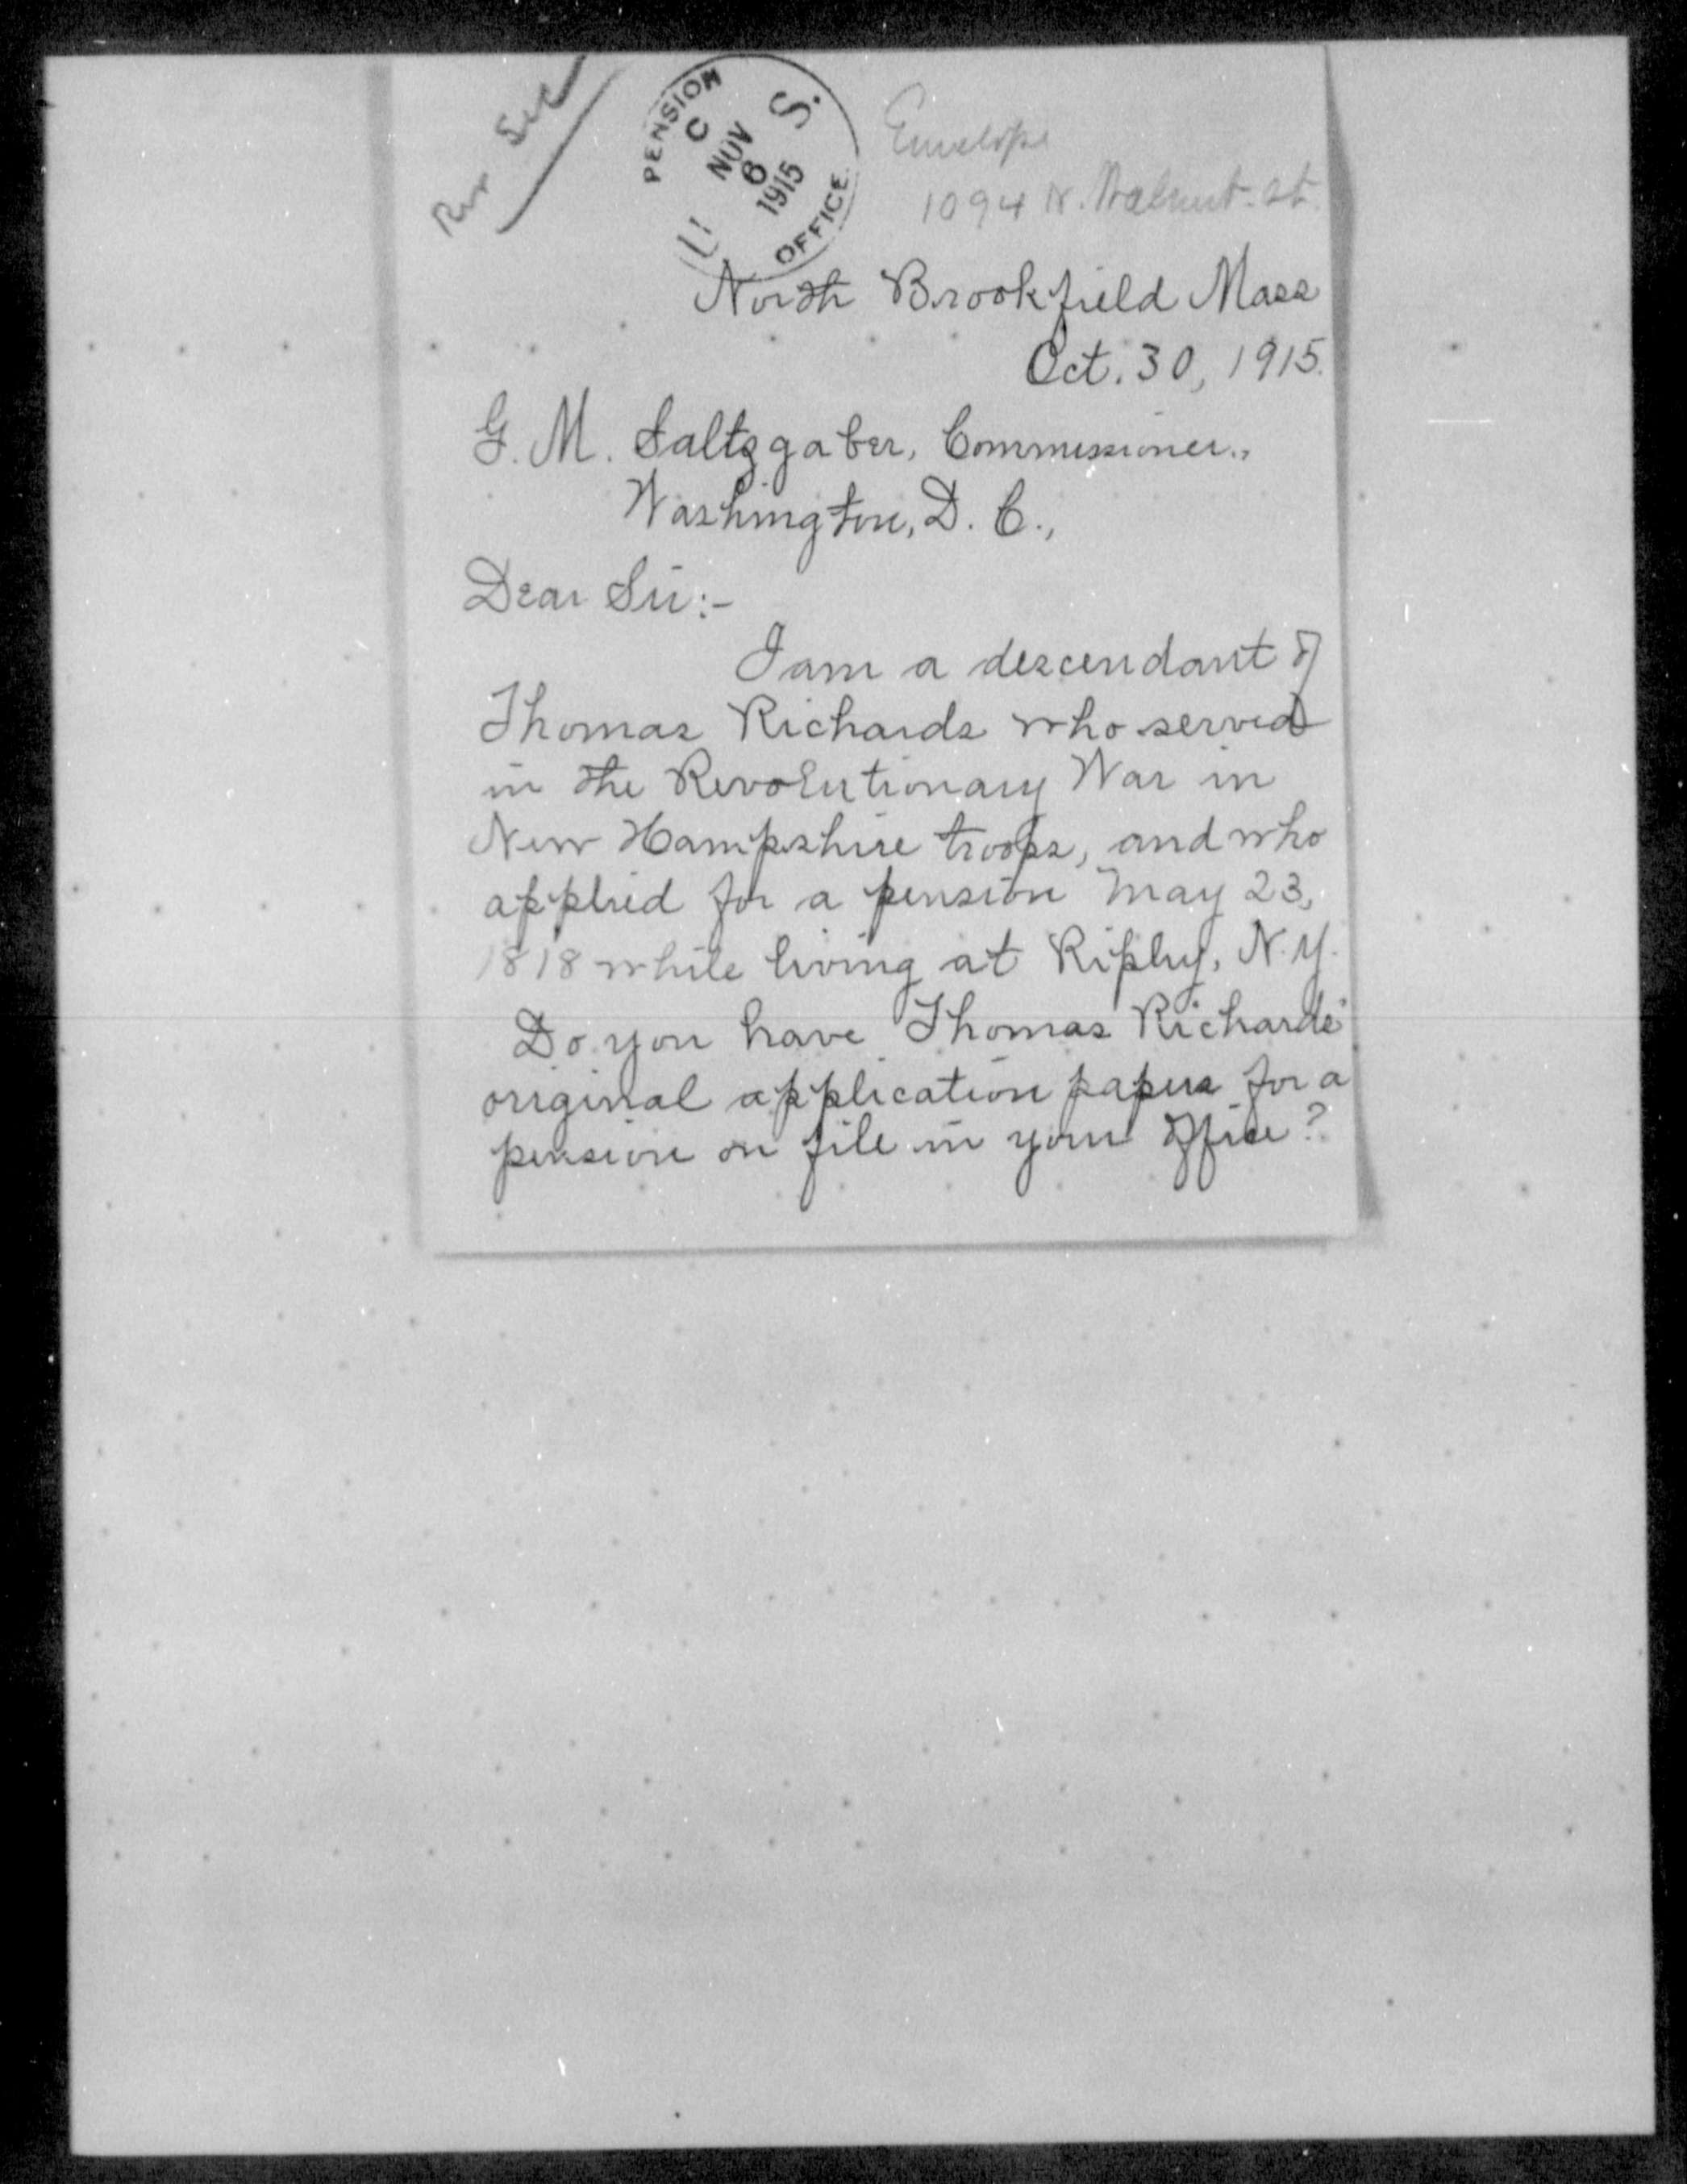Rev Sec [REVOLUTIONARY SECTION]
[stamp] U. S. PENSION OFFICE C NOV 6 1915
Envelope 1094 N. Walnut St.
North Brookfield Mass
Oct. 30, 1915.
G. M. Saltzgaber, Commissioner.
Washington, D.C.
Dear Sir:-
I am a descendant of Thomas Richards who served in the Revolutionary War in New Hampshire troops, and who applied for a pension May 23, 1818 while living at Ripley, N.Y.
Do you have Thomas Richards' original application papers for a pension on file in your office?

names: Thomas Richards; Thomas Richards; G M Saltzgaber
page: 104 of 109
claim: widow's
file: W. 5709, for Thomas Richards, New Hampshire